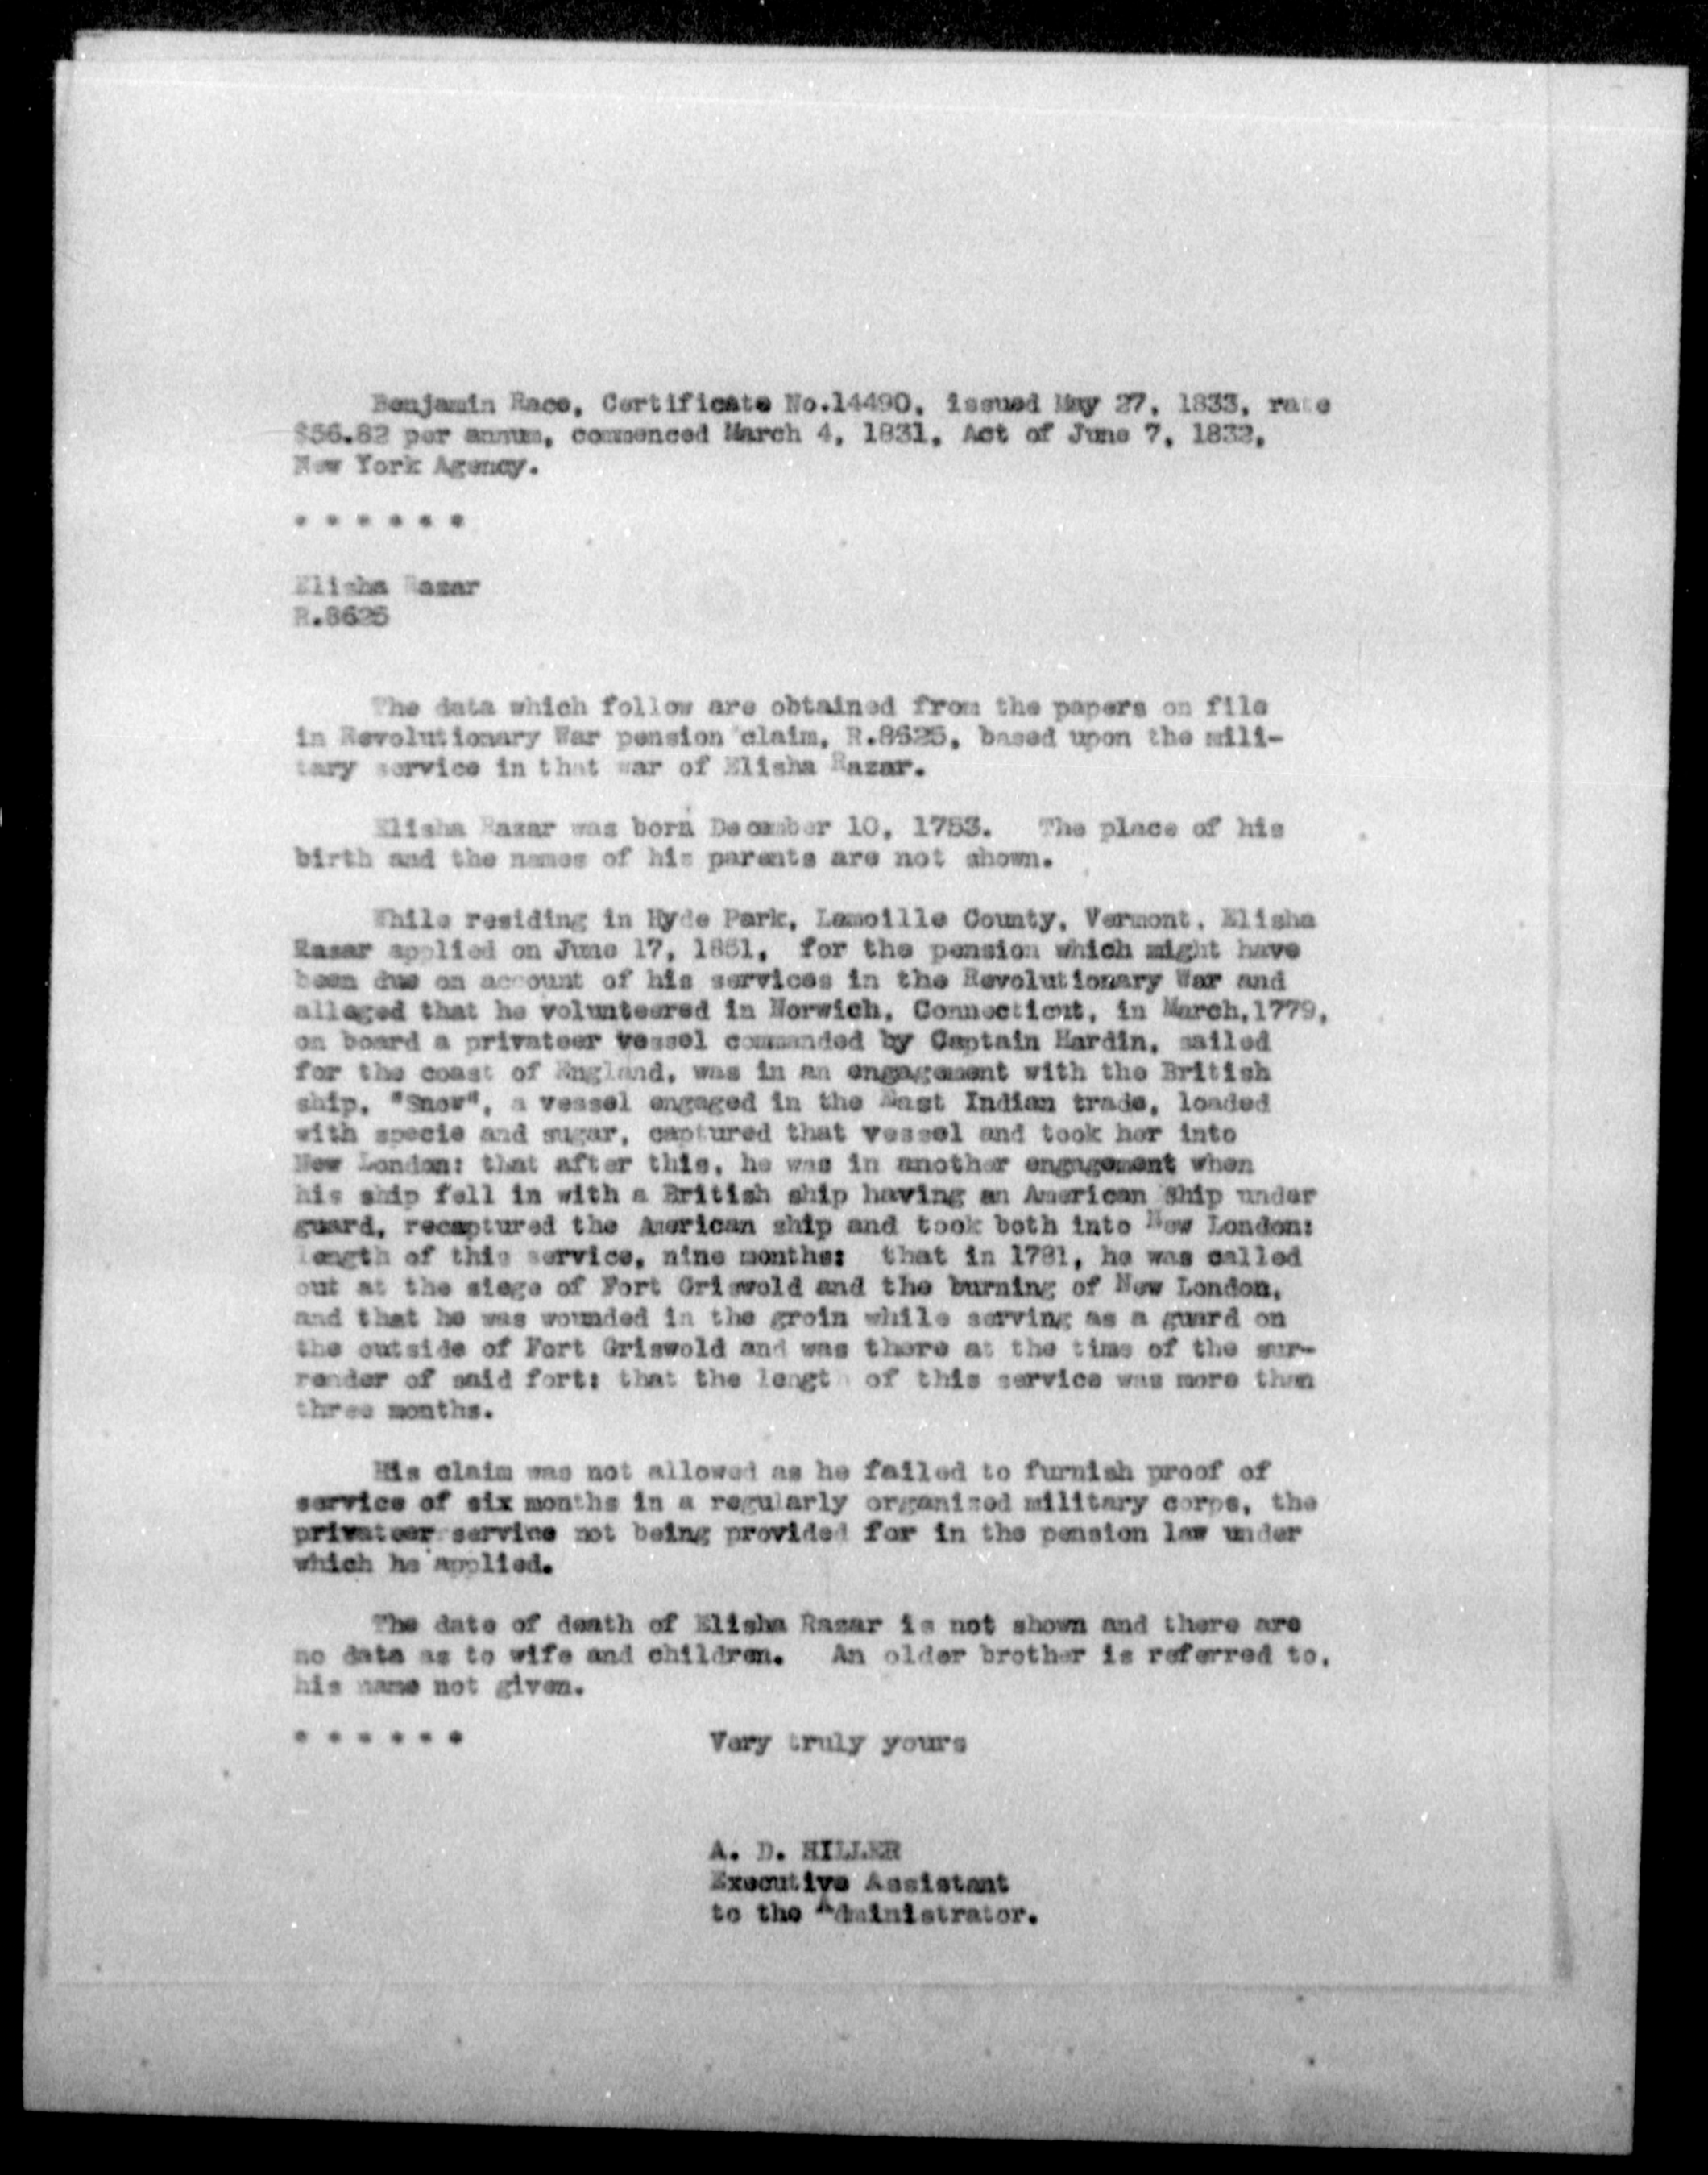Benjamin Race, Certificate No. 14490, issued May 27, 1833, rate
$36.82 per annum, commenced March 4, 1831, Act of June 7, 1832,
New York Agency.
● ● ● ●
Elisha Razar
R. 8625

The data which follow are obtained from the papers on file
in Revolutionary War pension claim, R.8625, based upon the military
service in that war of Elisha Razar.

Elisha Razar was born December 10, 1753. The place of his
birth and the names of his parents are not shown.

While residing in Hyde Park, Lamoille County, Vermont, Elisha
Razar applied on June 17, 1831, for the pension which might have
been due on account of his services in the Revolutionary War and
alleged that he volunteered in Norwich, Connecticut, in March, 1779,
on board a privateer vessel commanded by Captain Hardin, sailed
for the coast of England, was in an engagement with the British
ship, nor a vessel engaged in the East Indian trade, loaded
with specie and sugar, captured that vessel and took her into
New London: that after this, he was in another engagement when
his ship fell in with a British ship having an American ship under
guard, recaptured the American ship and took both into New London:
length of this service, nine months; that in 1781, he was called
out at the siege of Fort Griswold and the burning of New London,
and that he was wounded in the groin while serving as a guard on
the outside of Fort Griswold and was there at the time of the surrender
of said forth that the length of this service was more than
three months.

His claim was not allowed as he failed to furnish proof of
service of six months in a regularly organized military corps, the
privateer service not being provided for in the pension law under
which he applied.

The date of death of Elisha Razar is not shown and there are
no data as to wife and children. An older brother is referred to
his name not given.
● ● ● ●
Very truly yours
A. D. HILLER
Executive Assistant
to the Administrator.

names: Elisha Razar; Elisha Razar; Elisha Razar; Benjamin Race; Elisha Razar; Elisha Razar; A D Hiller; [BLANK] Hardin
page: 10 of 30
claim: rejected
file: R. 8625, for Elisha Razar, Connecticut